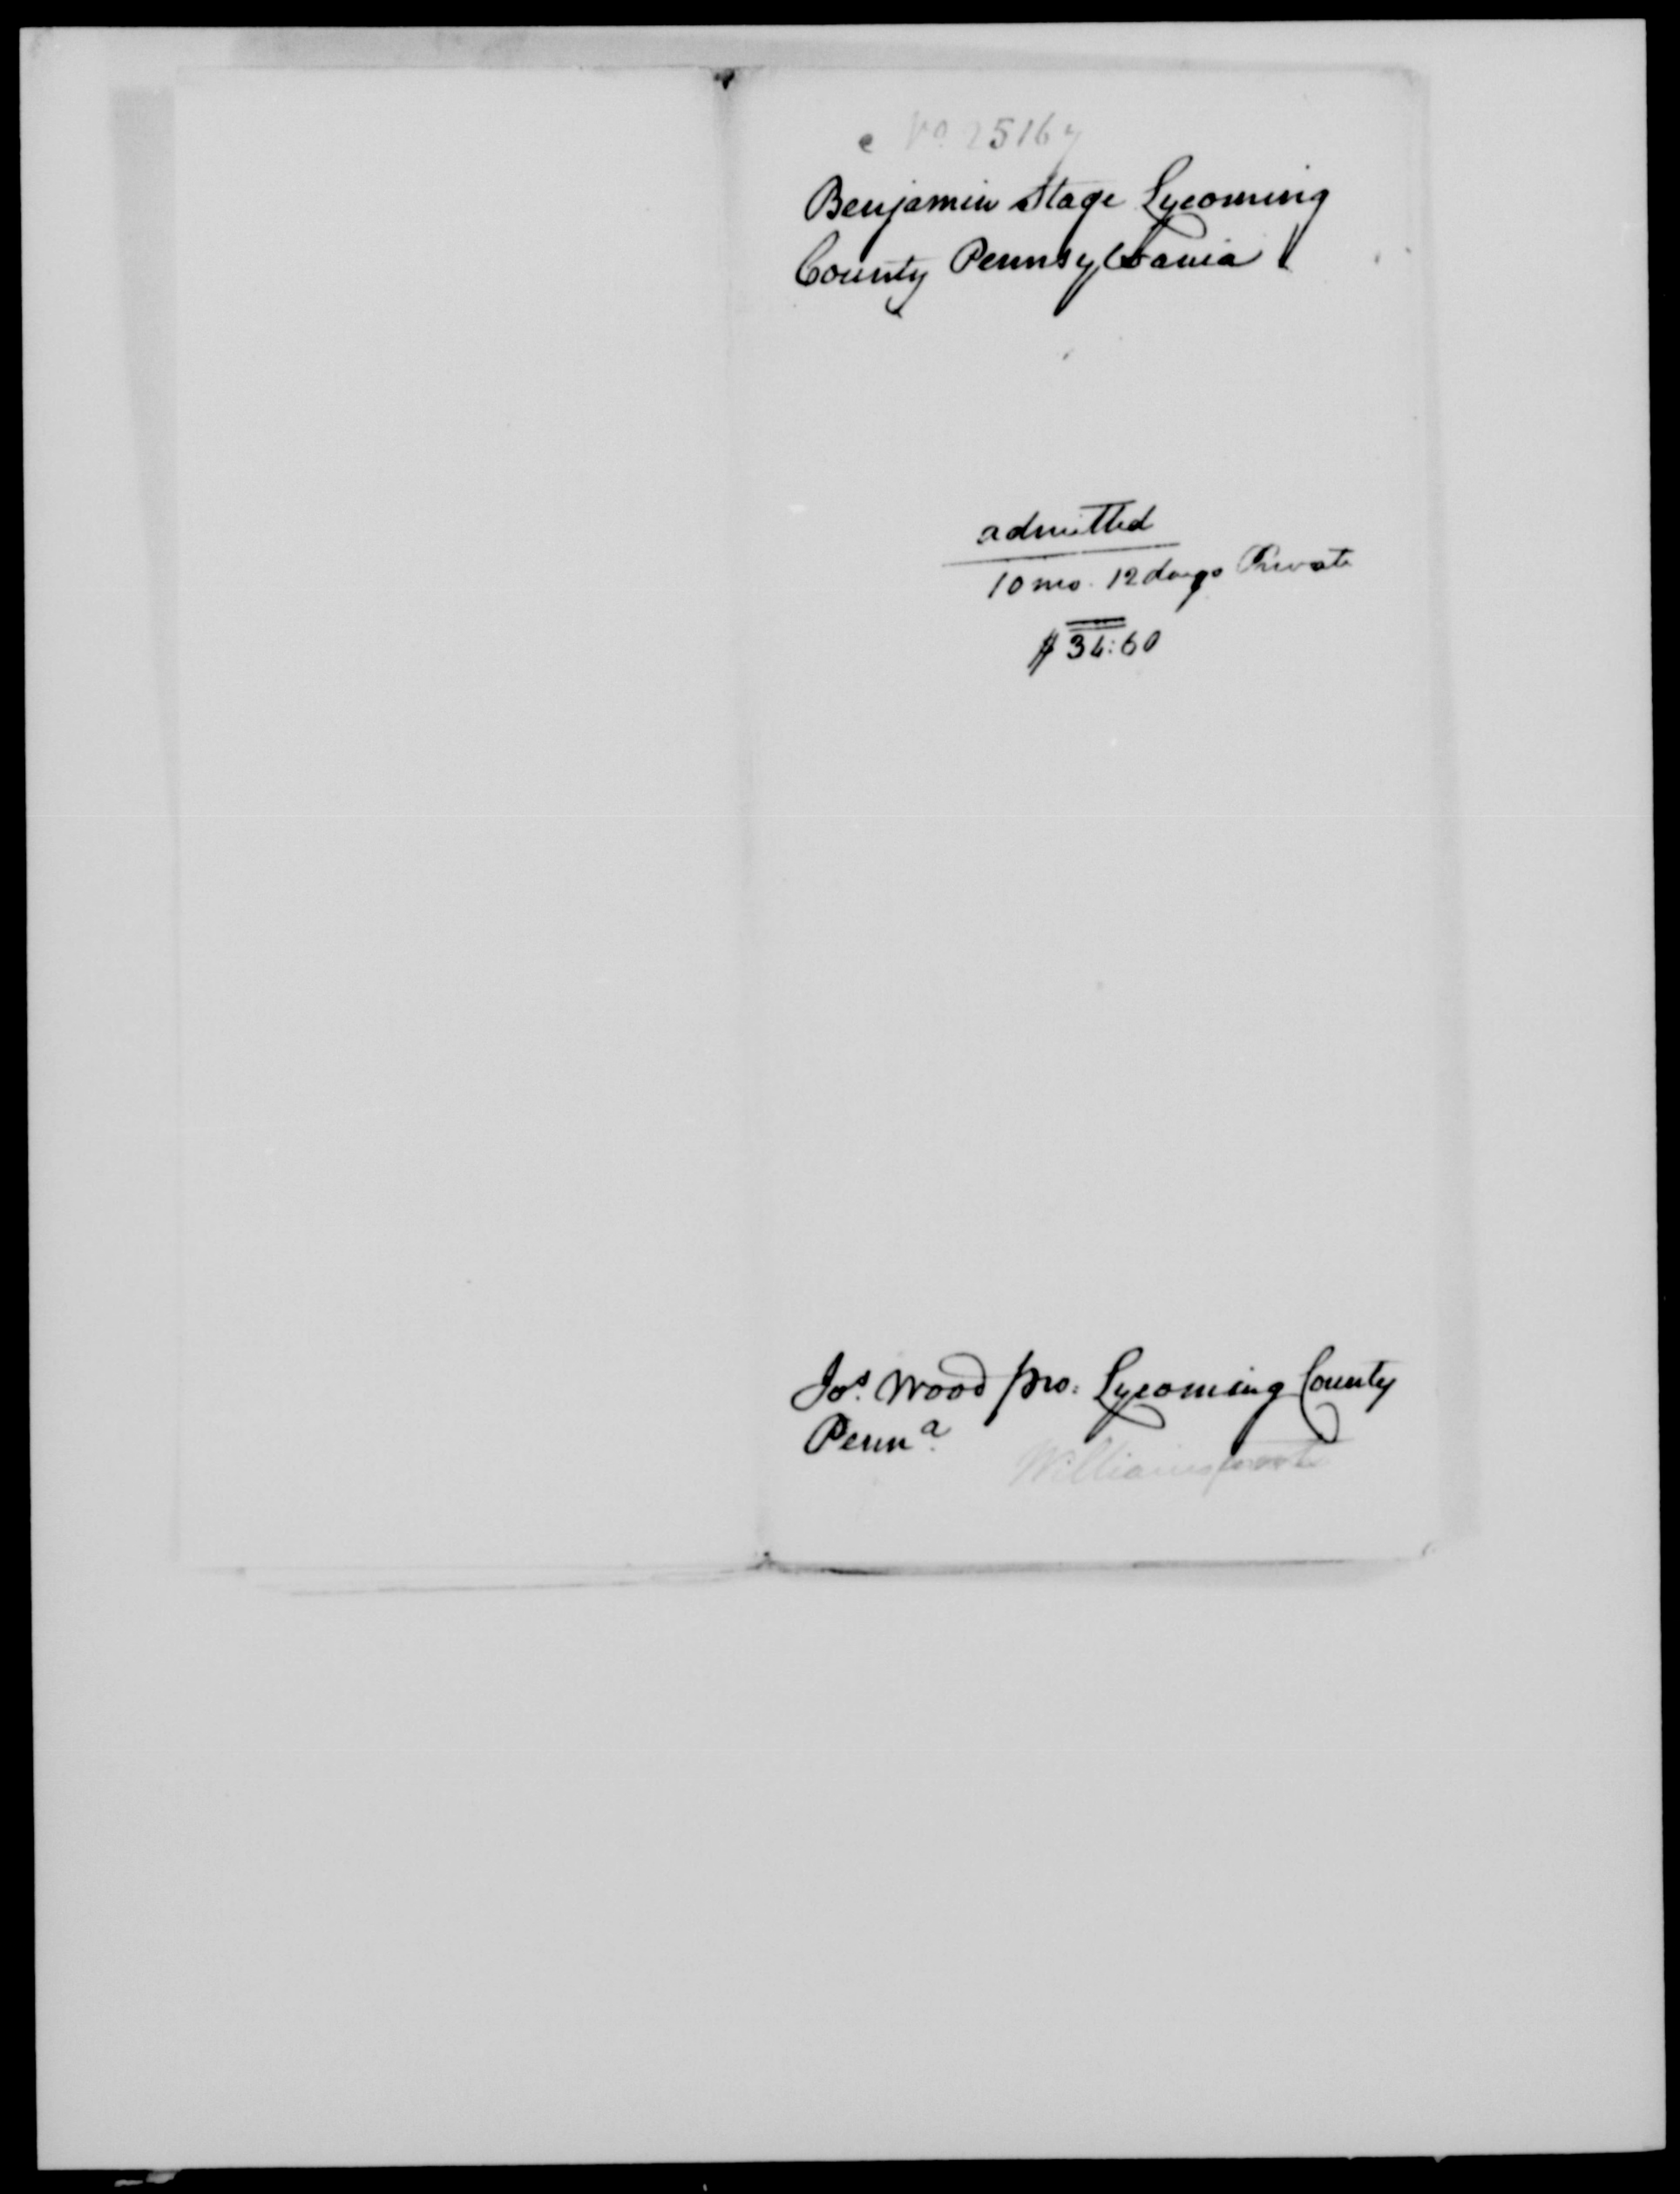No 25167
Benjamin Stage, Lycoming County Pennsylvania 

Admitted
10 mo. 12 days Private
$36.60


Jos Wood pro Lycoming County
Penn.  Williamsport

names: Benjamin Stage; Jos Wood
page: 8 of 23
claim: survivor's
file: S. 23008, for Benjamin Stage, New York